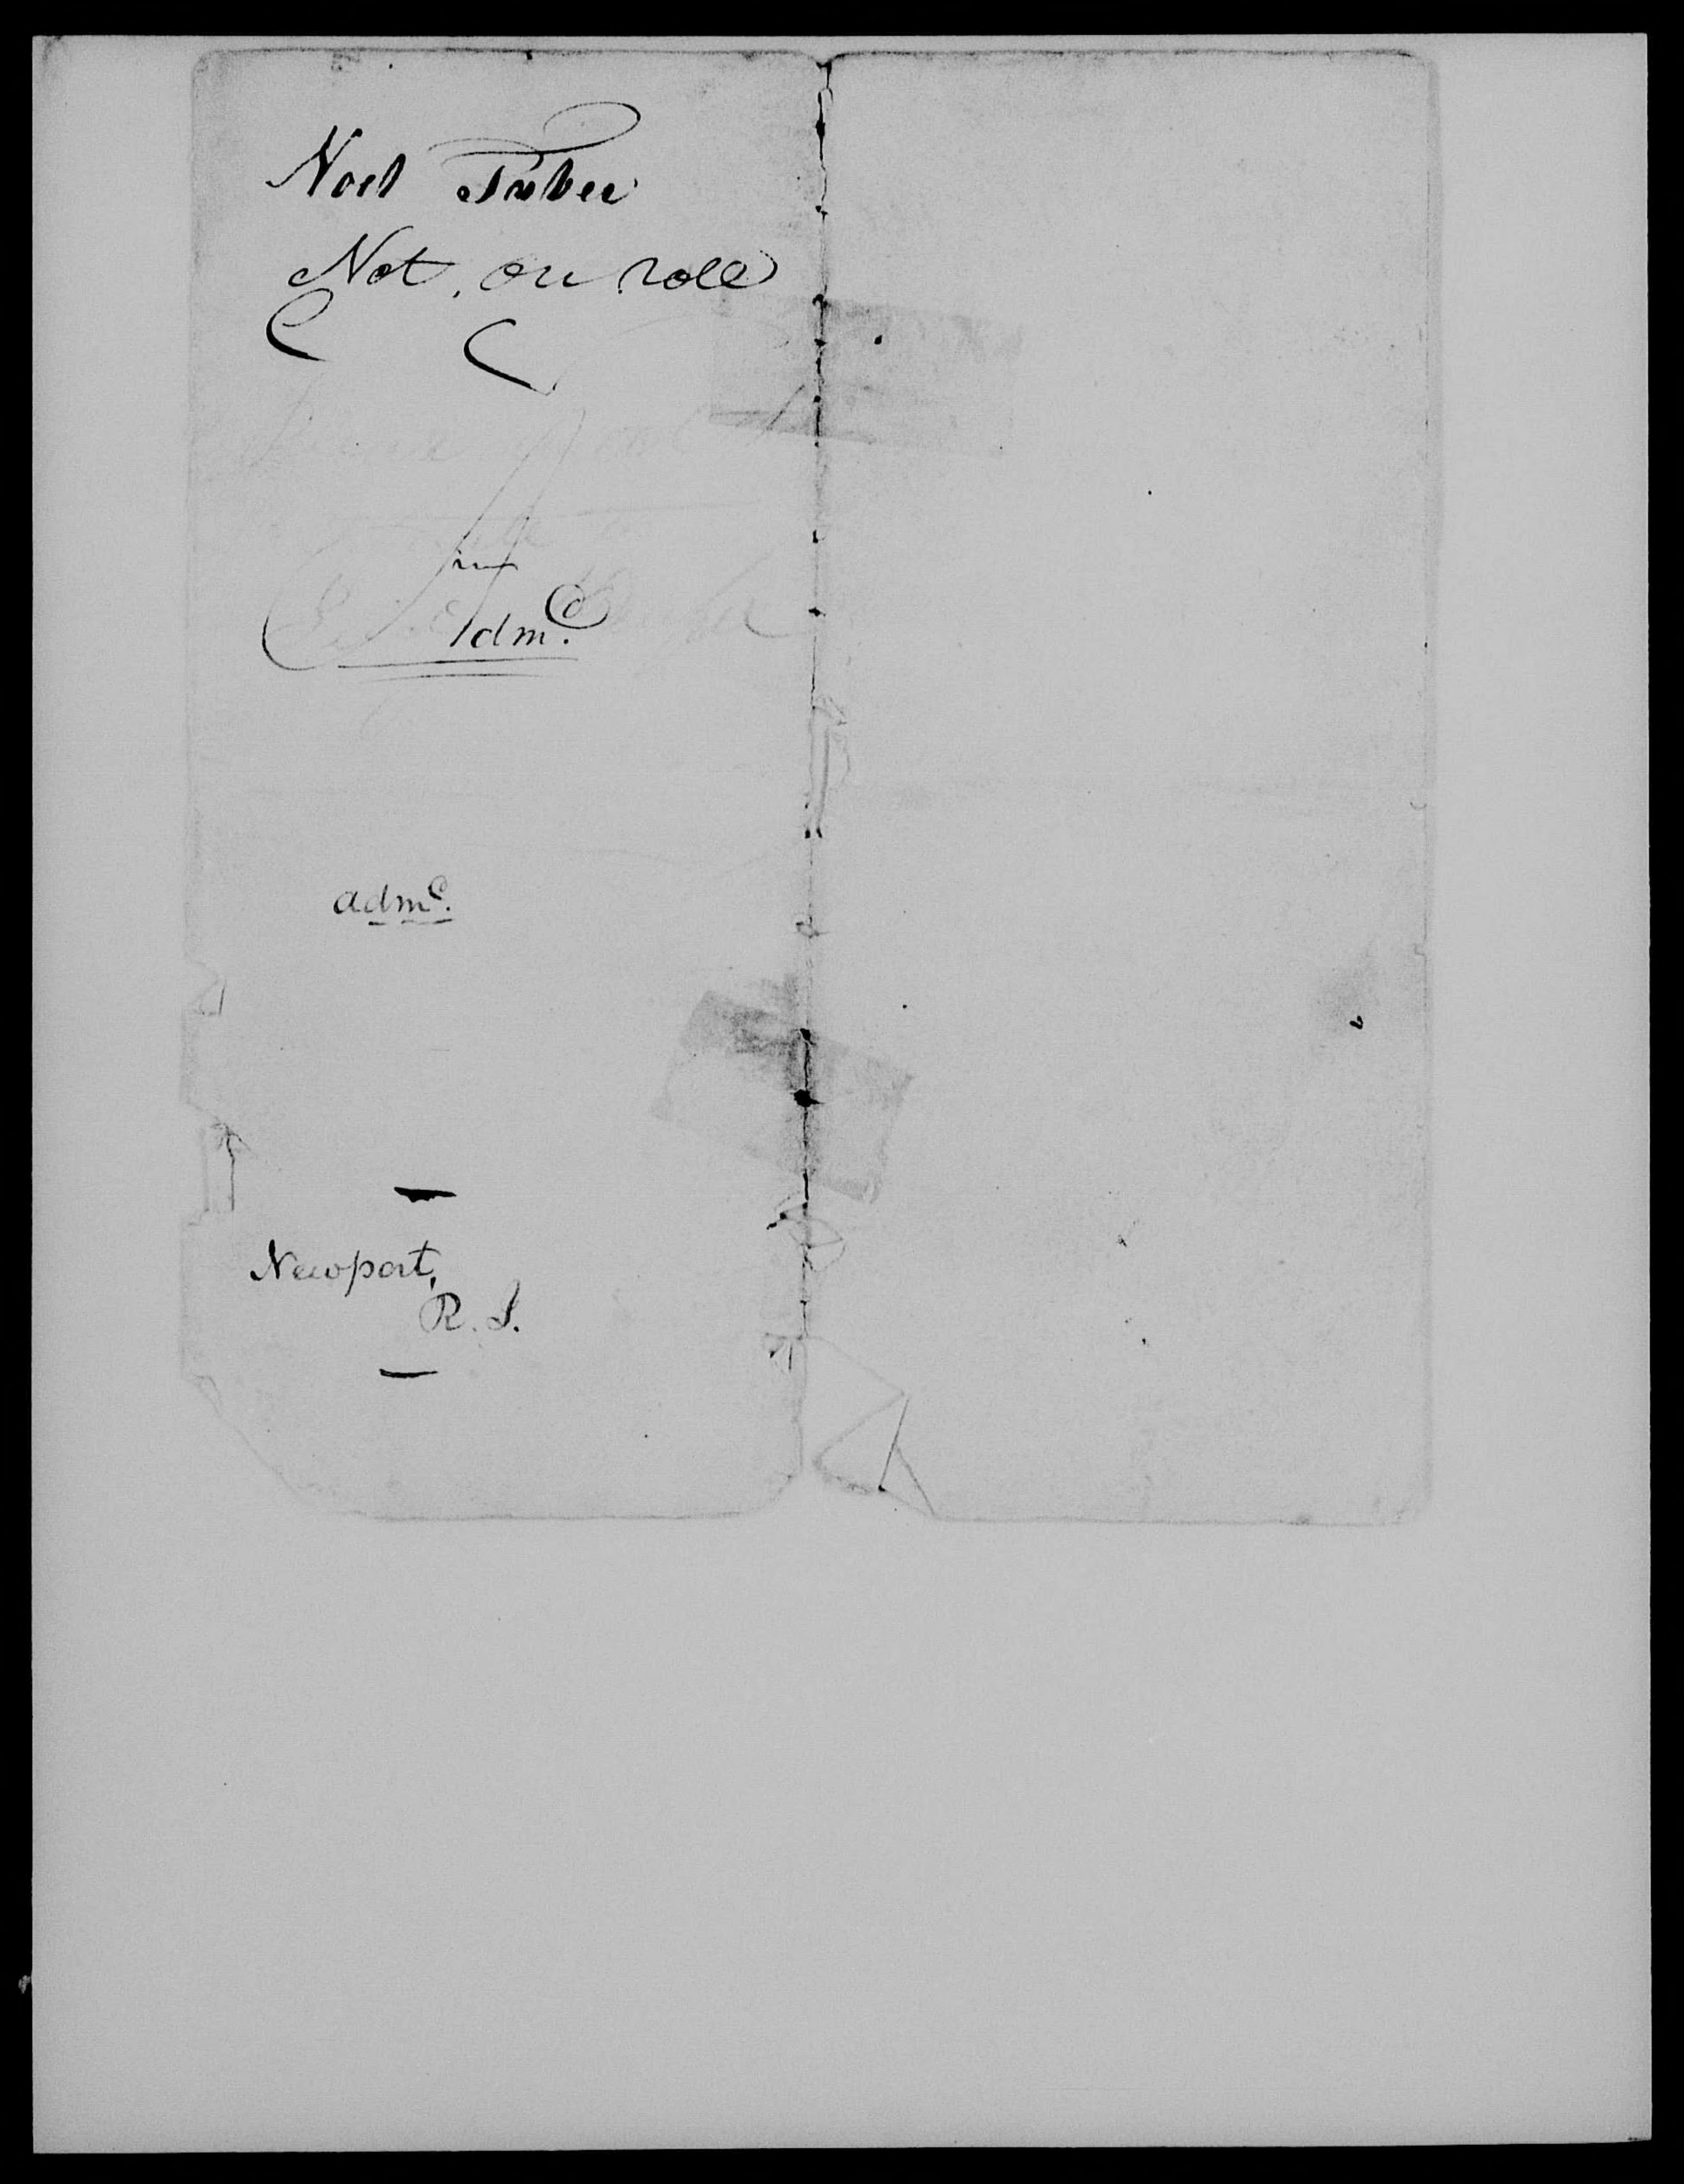Noel Taber 
Not on roll
Adm
adm
Newport R I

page: 17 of 22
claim: survivor's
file: S 33777, for Noel Taber, Rhode Island